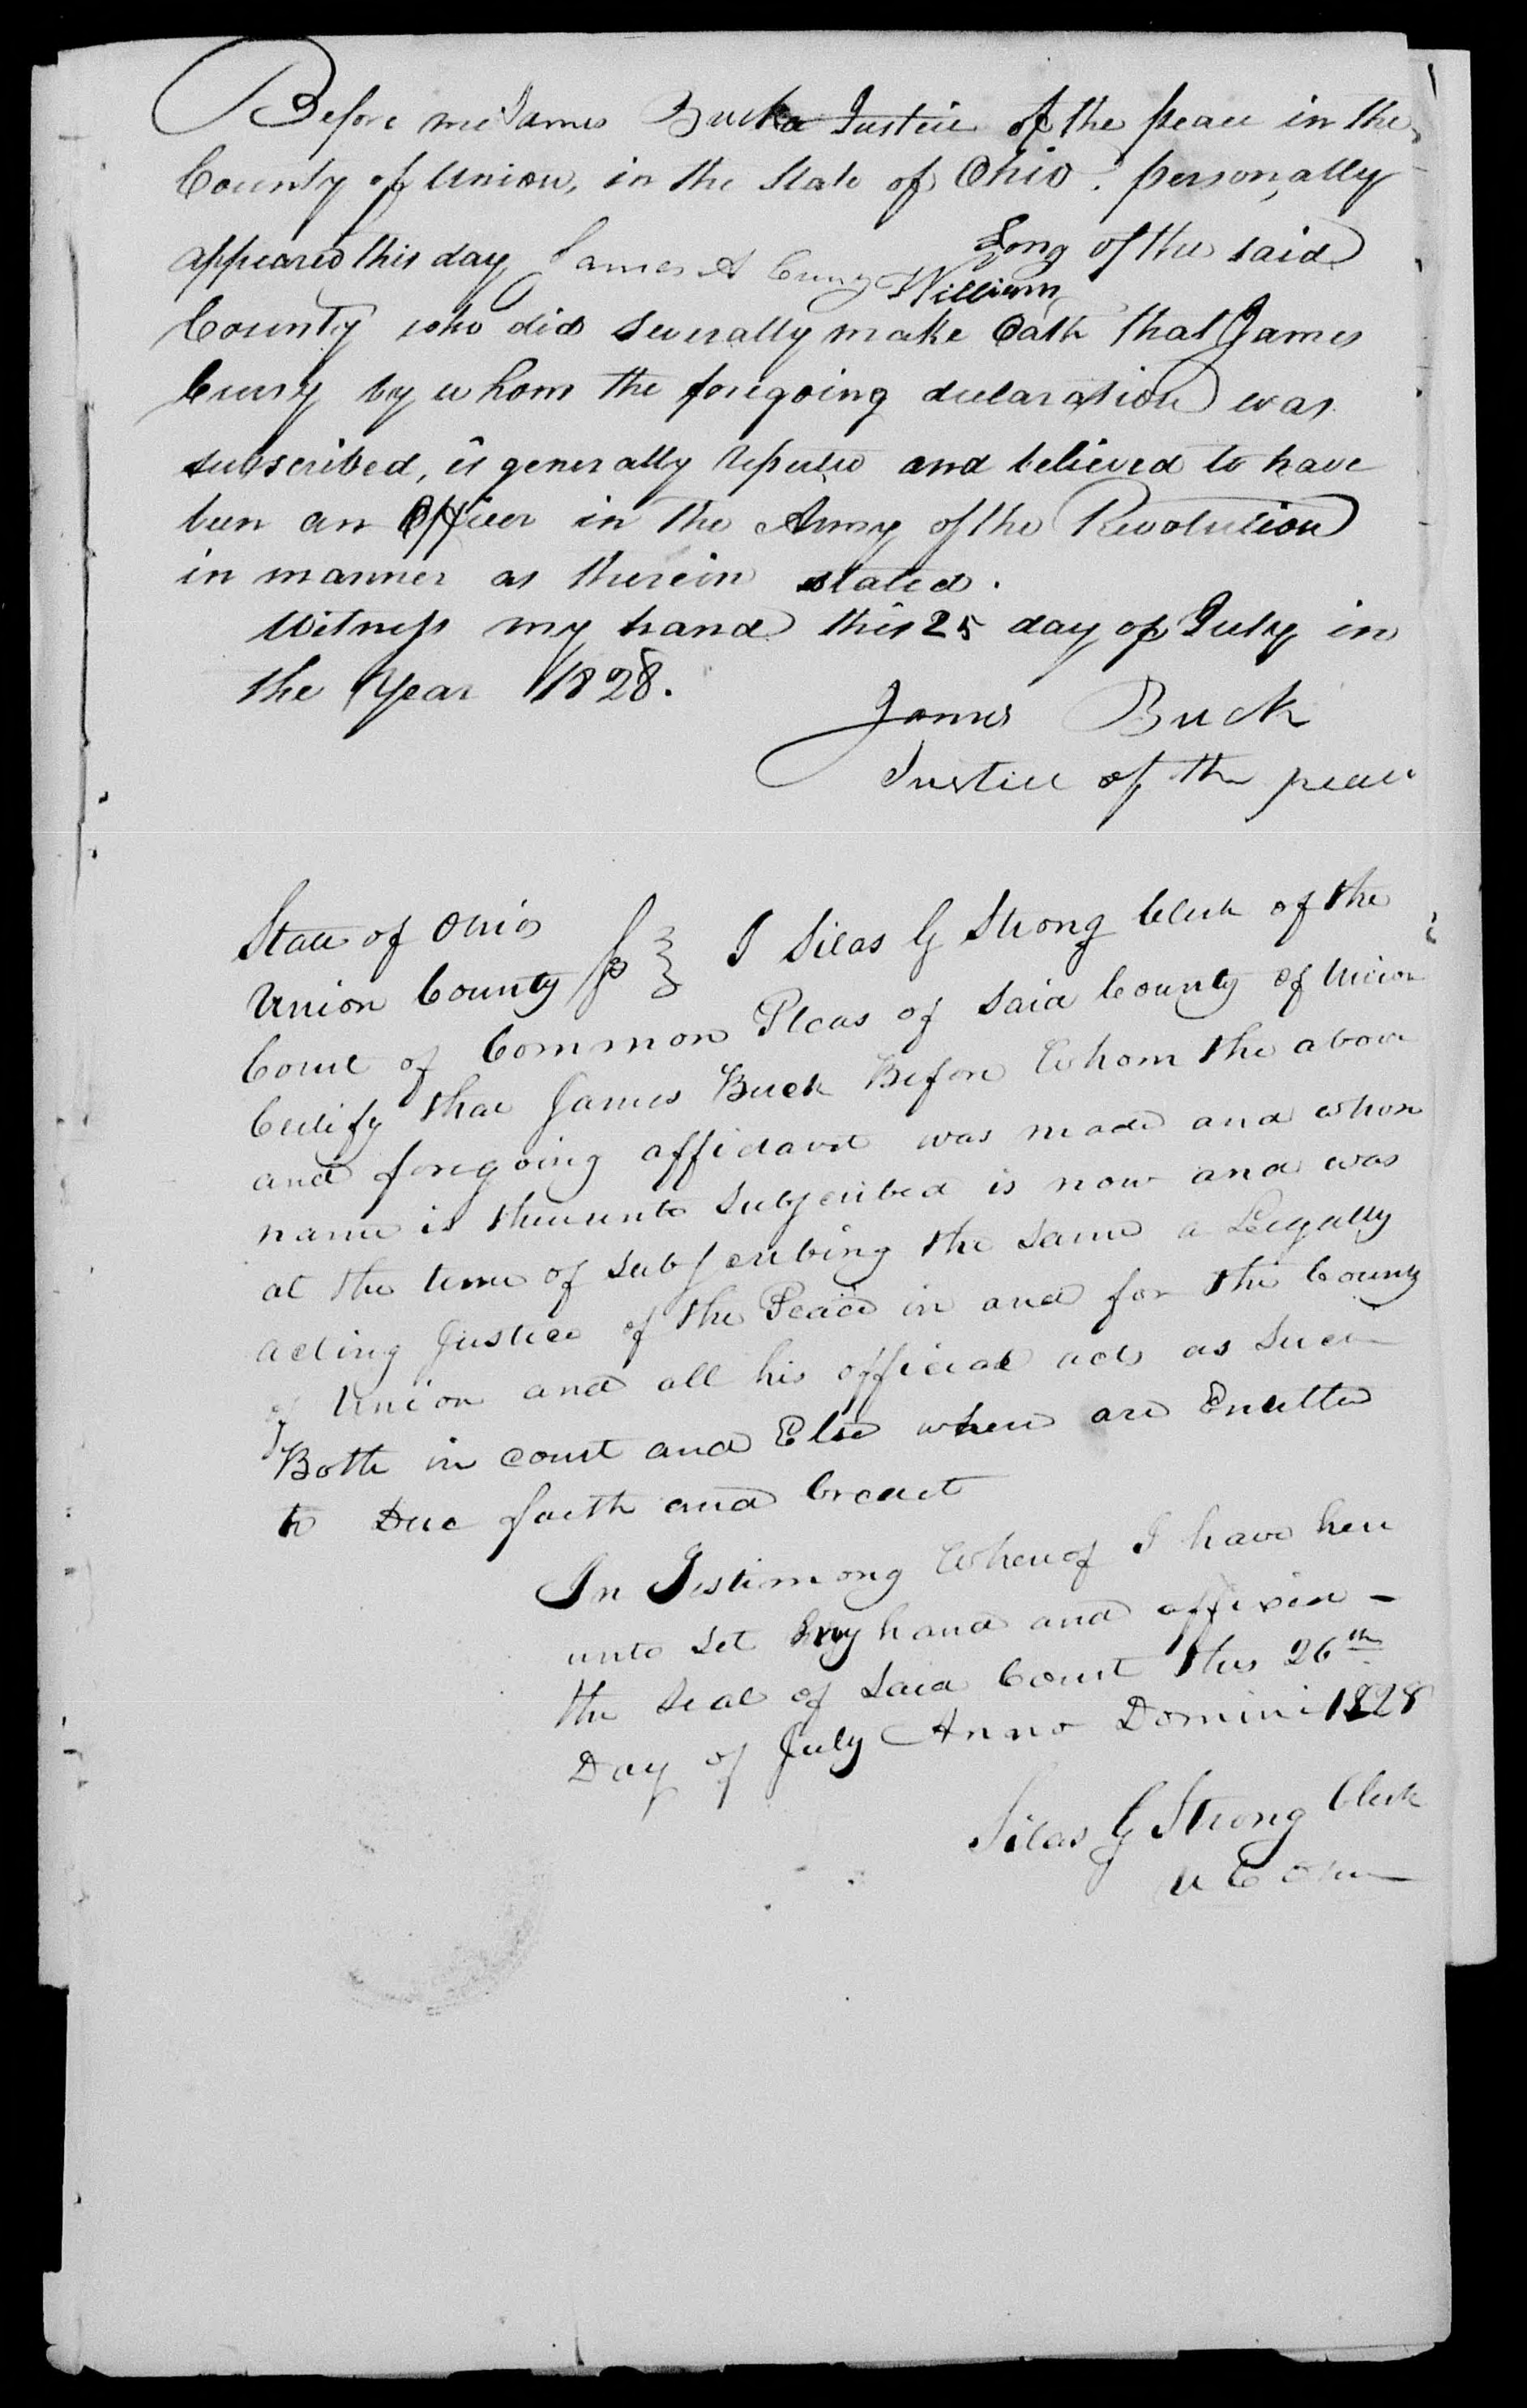Before me James Burke Justice of the peace in the
County of Union, in the State of Ohio, personally
appeared this day James A Curry William Long of the said
County who did severally make oath that James
Curry by whom the foreging declaration was
subscribed, is generally reputed and believed to have
been an Officer in the Army of the Revolution
in manner as therein stated.
Witness my hand this 25 day of July in
the year 1828.
James Buck
Justice of the peace

State of Ohio
Union County ss I Silas G Strong Clerk of the
Court of Common Pleas of said County of
Union
Certify that James Buck Before Whom the above
and foregoing affidavit was made and whose
name is thereunto subscribed is now and was
at the time of subscribing the same a Legally
acting Justice of the Peace in and for the County
of Union and all his official acts as Such
Both in court and Else when are Entitled
to due faith and credit
In Testimony whereof I have here
unto set my hand and affixed - 
the seal of said Court this 26th
Day of July Anno Domini 1828
Silas G Strong Clerk
[illegible]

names: James Buck, James Curry, James Buck, James A Curry, William, James Buck, Silas G Strong, Silas G Strong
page: 14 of 32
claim: survivor's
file: S. 44230, James Curry, Va.